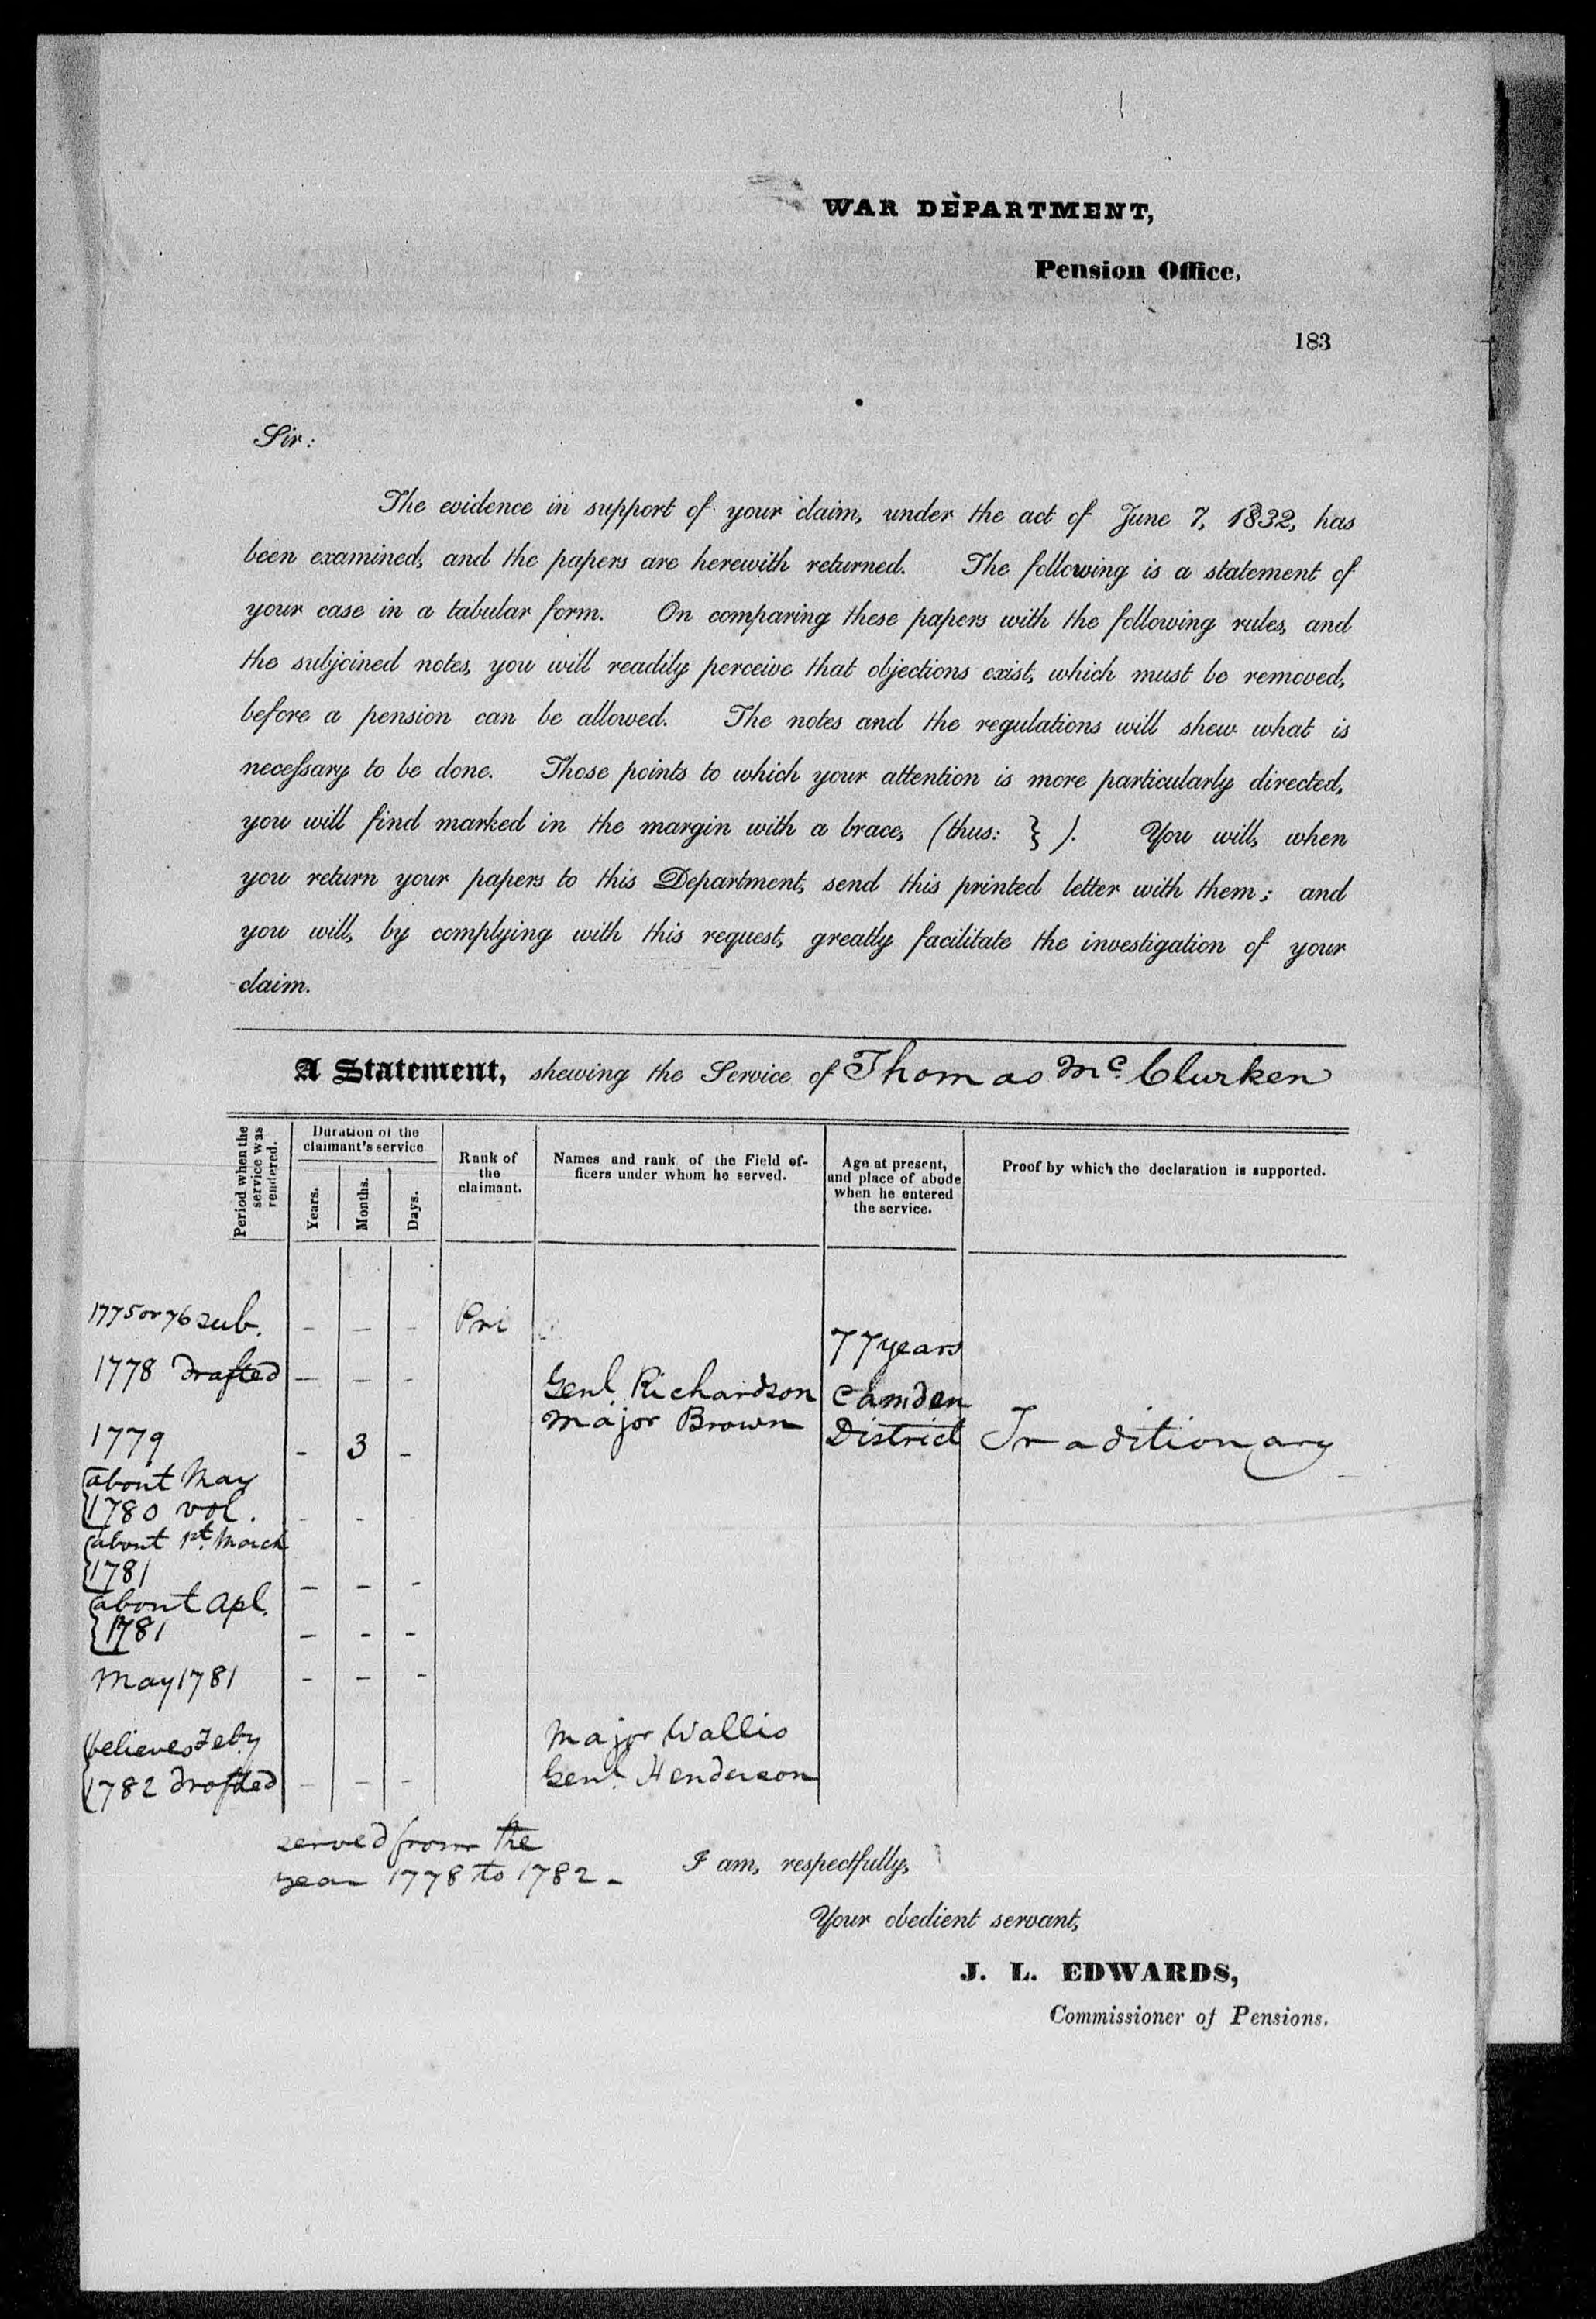WAR DEPARTMENT, 
Pension Office, 
183 

Sir: 

The evidence in support of your claim, under the act of June 7, 1832, has been examined, and the papers are herewith returned. The following is a statement of your case in a tabular form. On comparing these papers with the following rules, and the subjoined notes, you will readily perceive that objections exist, which must be removed, before a pension can be allowed. The notes and the regulations will show what is necessary to be done. Those points to which your attention is more particularly directed, you will find marked in the margin with a brace, (thus: }). You will, when you return your papers to this Department, send this printed letter with them; and you will, by complying with this request, greatly facilitate the investigation of your claim. 

A Statement, showing the Service of Thomas McClurken

Period when the service was rendered. 
1775 or 76 Sub 
1778 drafted
1779
{about May 
1780 vol.
{about 1st March
1781
{about Apl.
1781
{believes Feby
1782 drafted


Duration of the claimant's service 
Years
Months
3 
Days
served from the 
year 1778 to 1782-

Rank of the claimant. 
Pri 

Names and rank of the Field officers under whom he served. 
Genl Richardson 
Major Brown 
Major Wallis 
Genl Henderson 

Age at present, 
and place of abode 
when he entered the service. 
77 years 
Camden 
District 

Proof by which the declaration is supported. Traditionary 

I am, respectfully, 
Your obedient servant, 

J. L. EDWARDS, 
Commissioner of Pensions.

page: 19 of 93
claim: widow's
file: W. 21792, for Thomas Mc Clurken, South Carolina